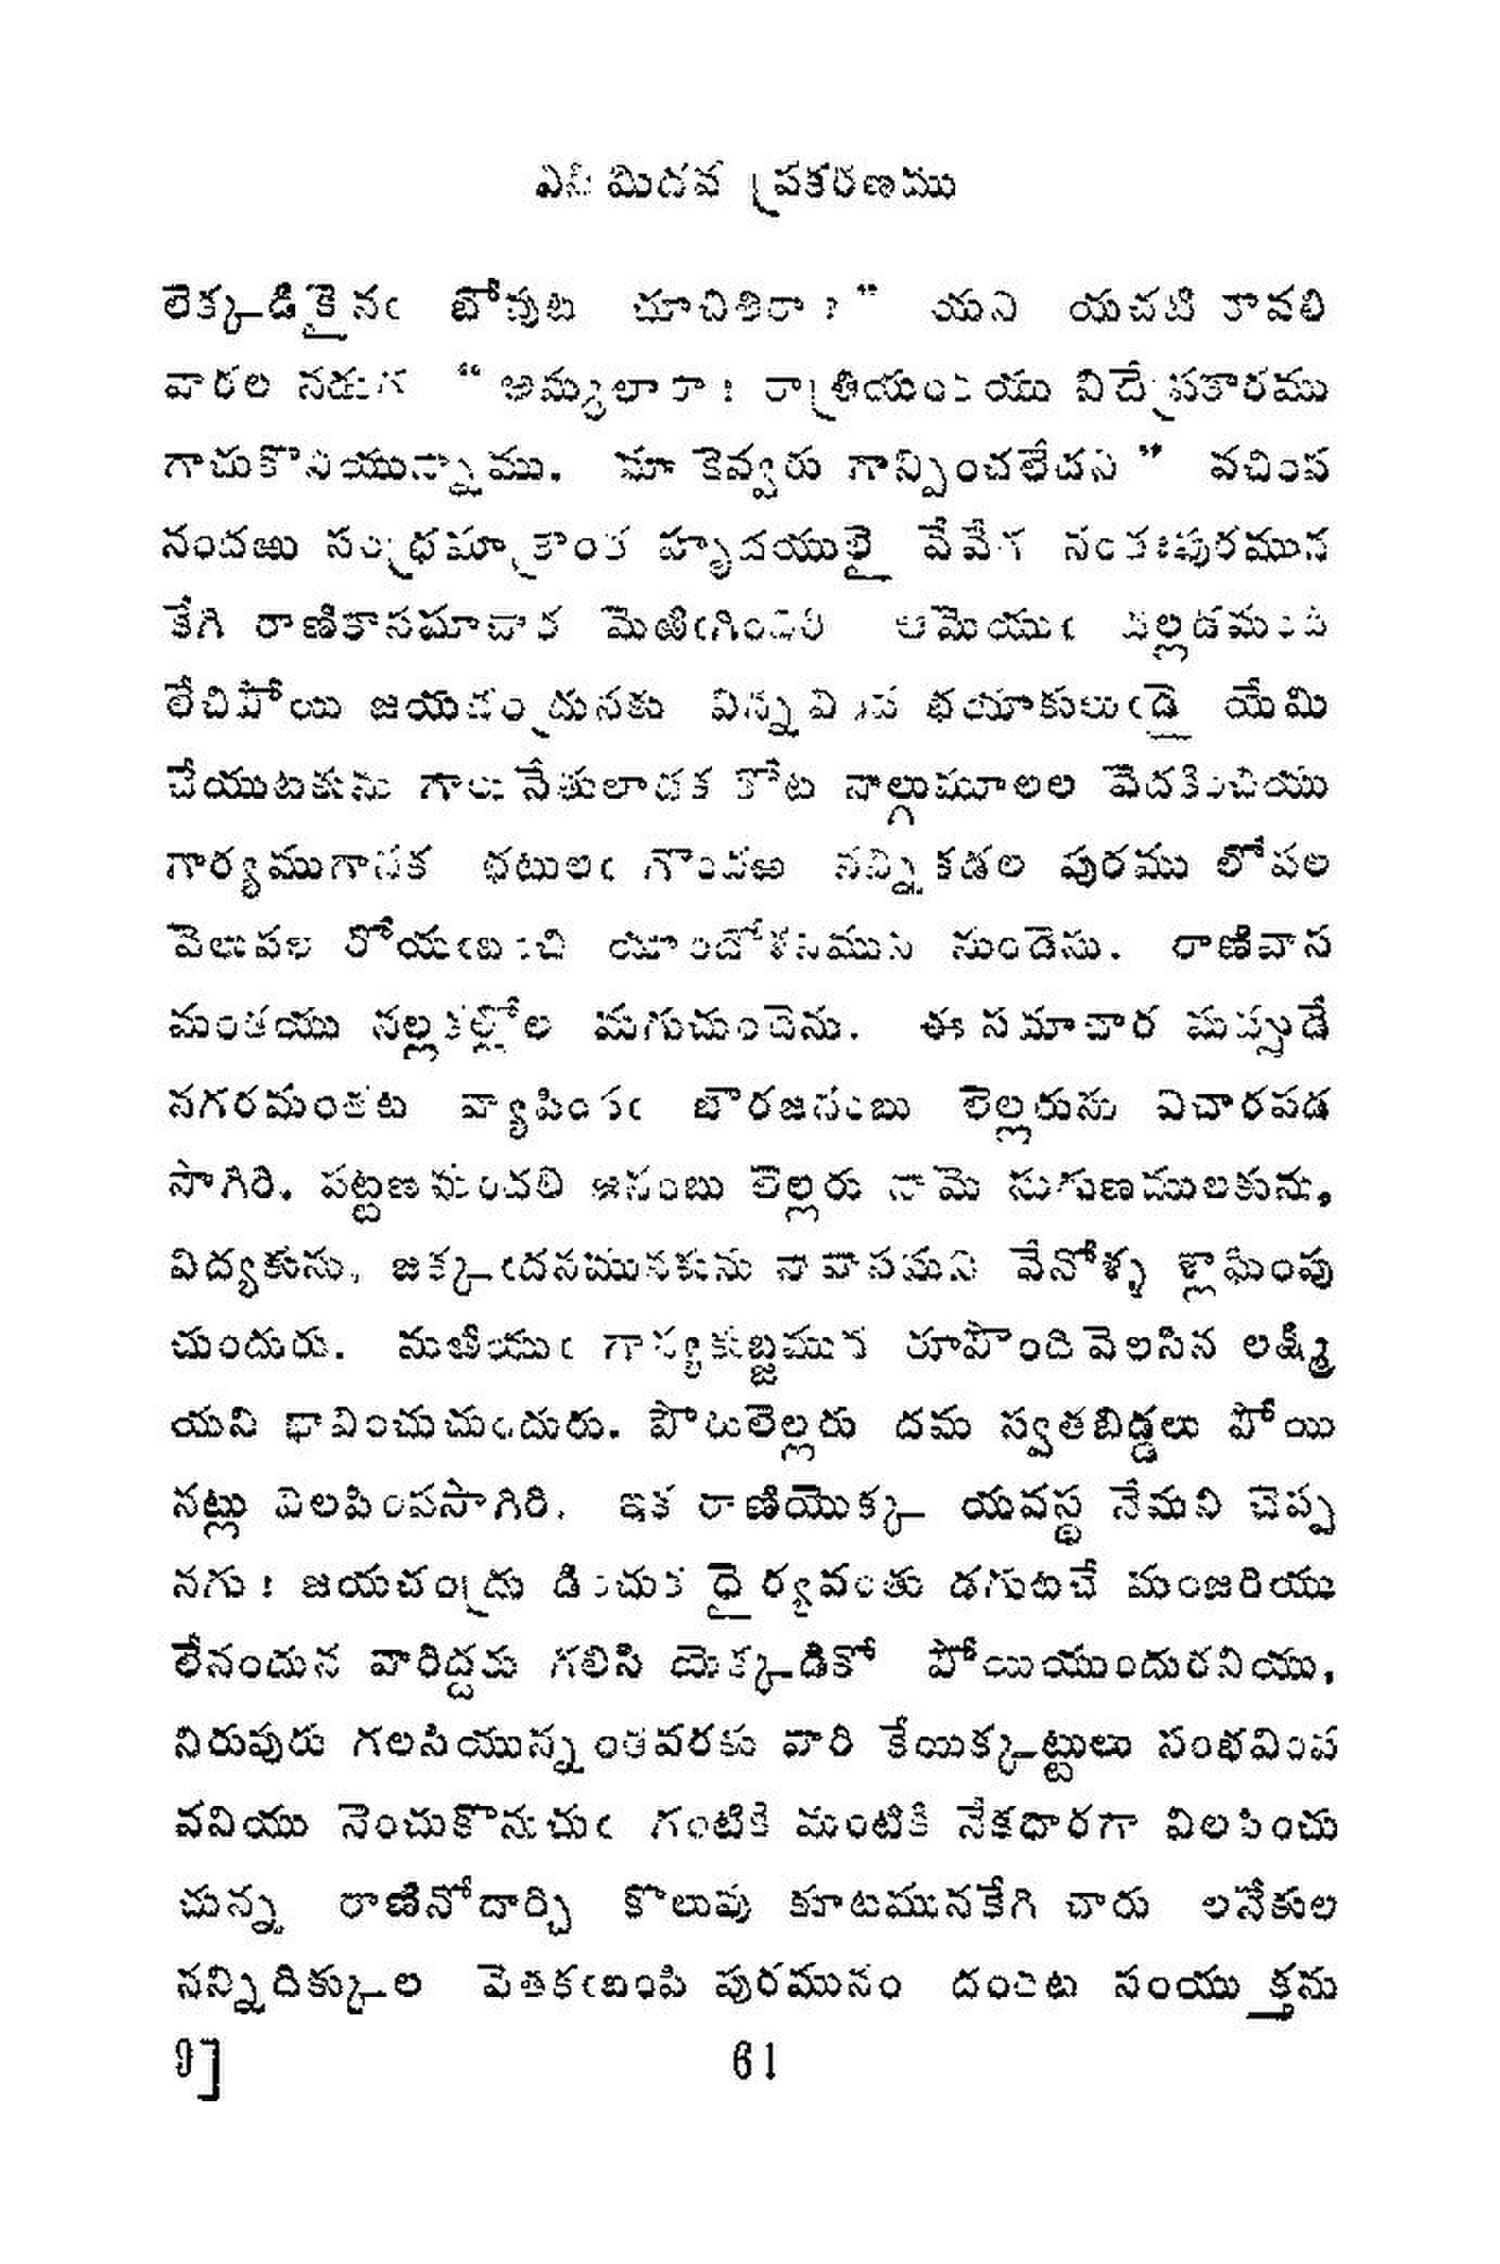లెక్కడికైనఁ బోవుట చూచితిరా?" యని యచటి కావలి వారల నడుగ "అమ్మలారా రాత్రంతయు నిదే ప్రకారము గాచుకొనియున్నాము. మాకెవ్వరు గాన్పించలేదని" వచింప నందఱు సంభ్రమాక్రాంత హృదయులై వేవేగ నంతఃపురమున కేగి రాణికాసమాచార మెఱిఁగించిరి. ఆమెయుఁ దల్లడమంది లేచిపోయి జయచంద్రునకు విన్నవించ భయాకులుఁడై యేమి చేయుటకును గాలుసేతులాడక కోట నాల్గుమూలల వెదకించియు గార్యముగానక భటులఁ గొందఱ నన్నికడల పురము లోపల వెలుపల రోయఁబంచి.. యాందోళనమున సుండెను. రాణివాస మంతయు నల్లకల్లోల మగుచుండెను. ఈ సమాచార మప్పుడే నగరమంతట వ్యాపింపఁ బౌరజనంబు లెల్లరుసు విచారపడ సాగిరి. పట్టణమందలి జనంబు కెల్లరు నామె సుగుణములకును, విద్యకుసు, జక్కఁదనమునకును నావాసమని వేనోళ్ళ శ్లాఘింపు చుందురు. మఱియుఁ గాన్యకుబ్జమున రూపొంది వెలసిన లక్ష్మి యని భావించుచుందురు. పౌరులెల్లరు దమ స్వంతబిడ్డలు పోయినట్లు విలపింపసాగిరి. ఇక రాణియొక్క యవస్థ నేమని చెప్పనగు ! జయచంద్రు డించుక ధైర్యవంతు డగుటచే మంజరియు లేనందున వారిద్దరు గలిసి యెక్కడికో పోయియుందురనియు, నిరువురు గలసియున్నంతవరకు వారి కేయిక్కట్టులు సంభవింపవనియు నెంచుకొనుచుఁ గంటికి మంటికి నేకధారగా విలఫించుచున్న రాణినోదార్చి కొలువు కూటమునకేగి చారు లనేకుల నన్నిదిక్కుల వెతకఁబంపి పురమునం దంతట సంయుక్తను